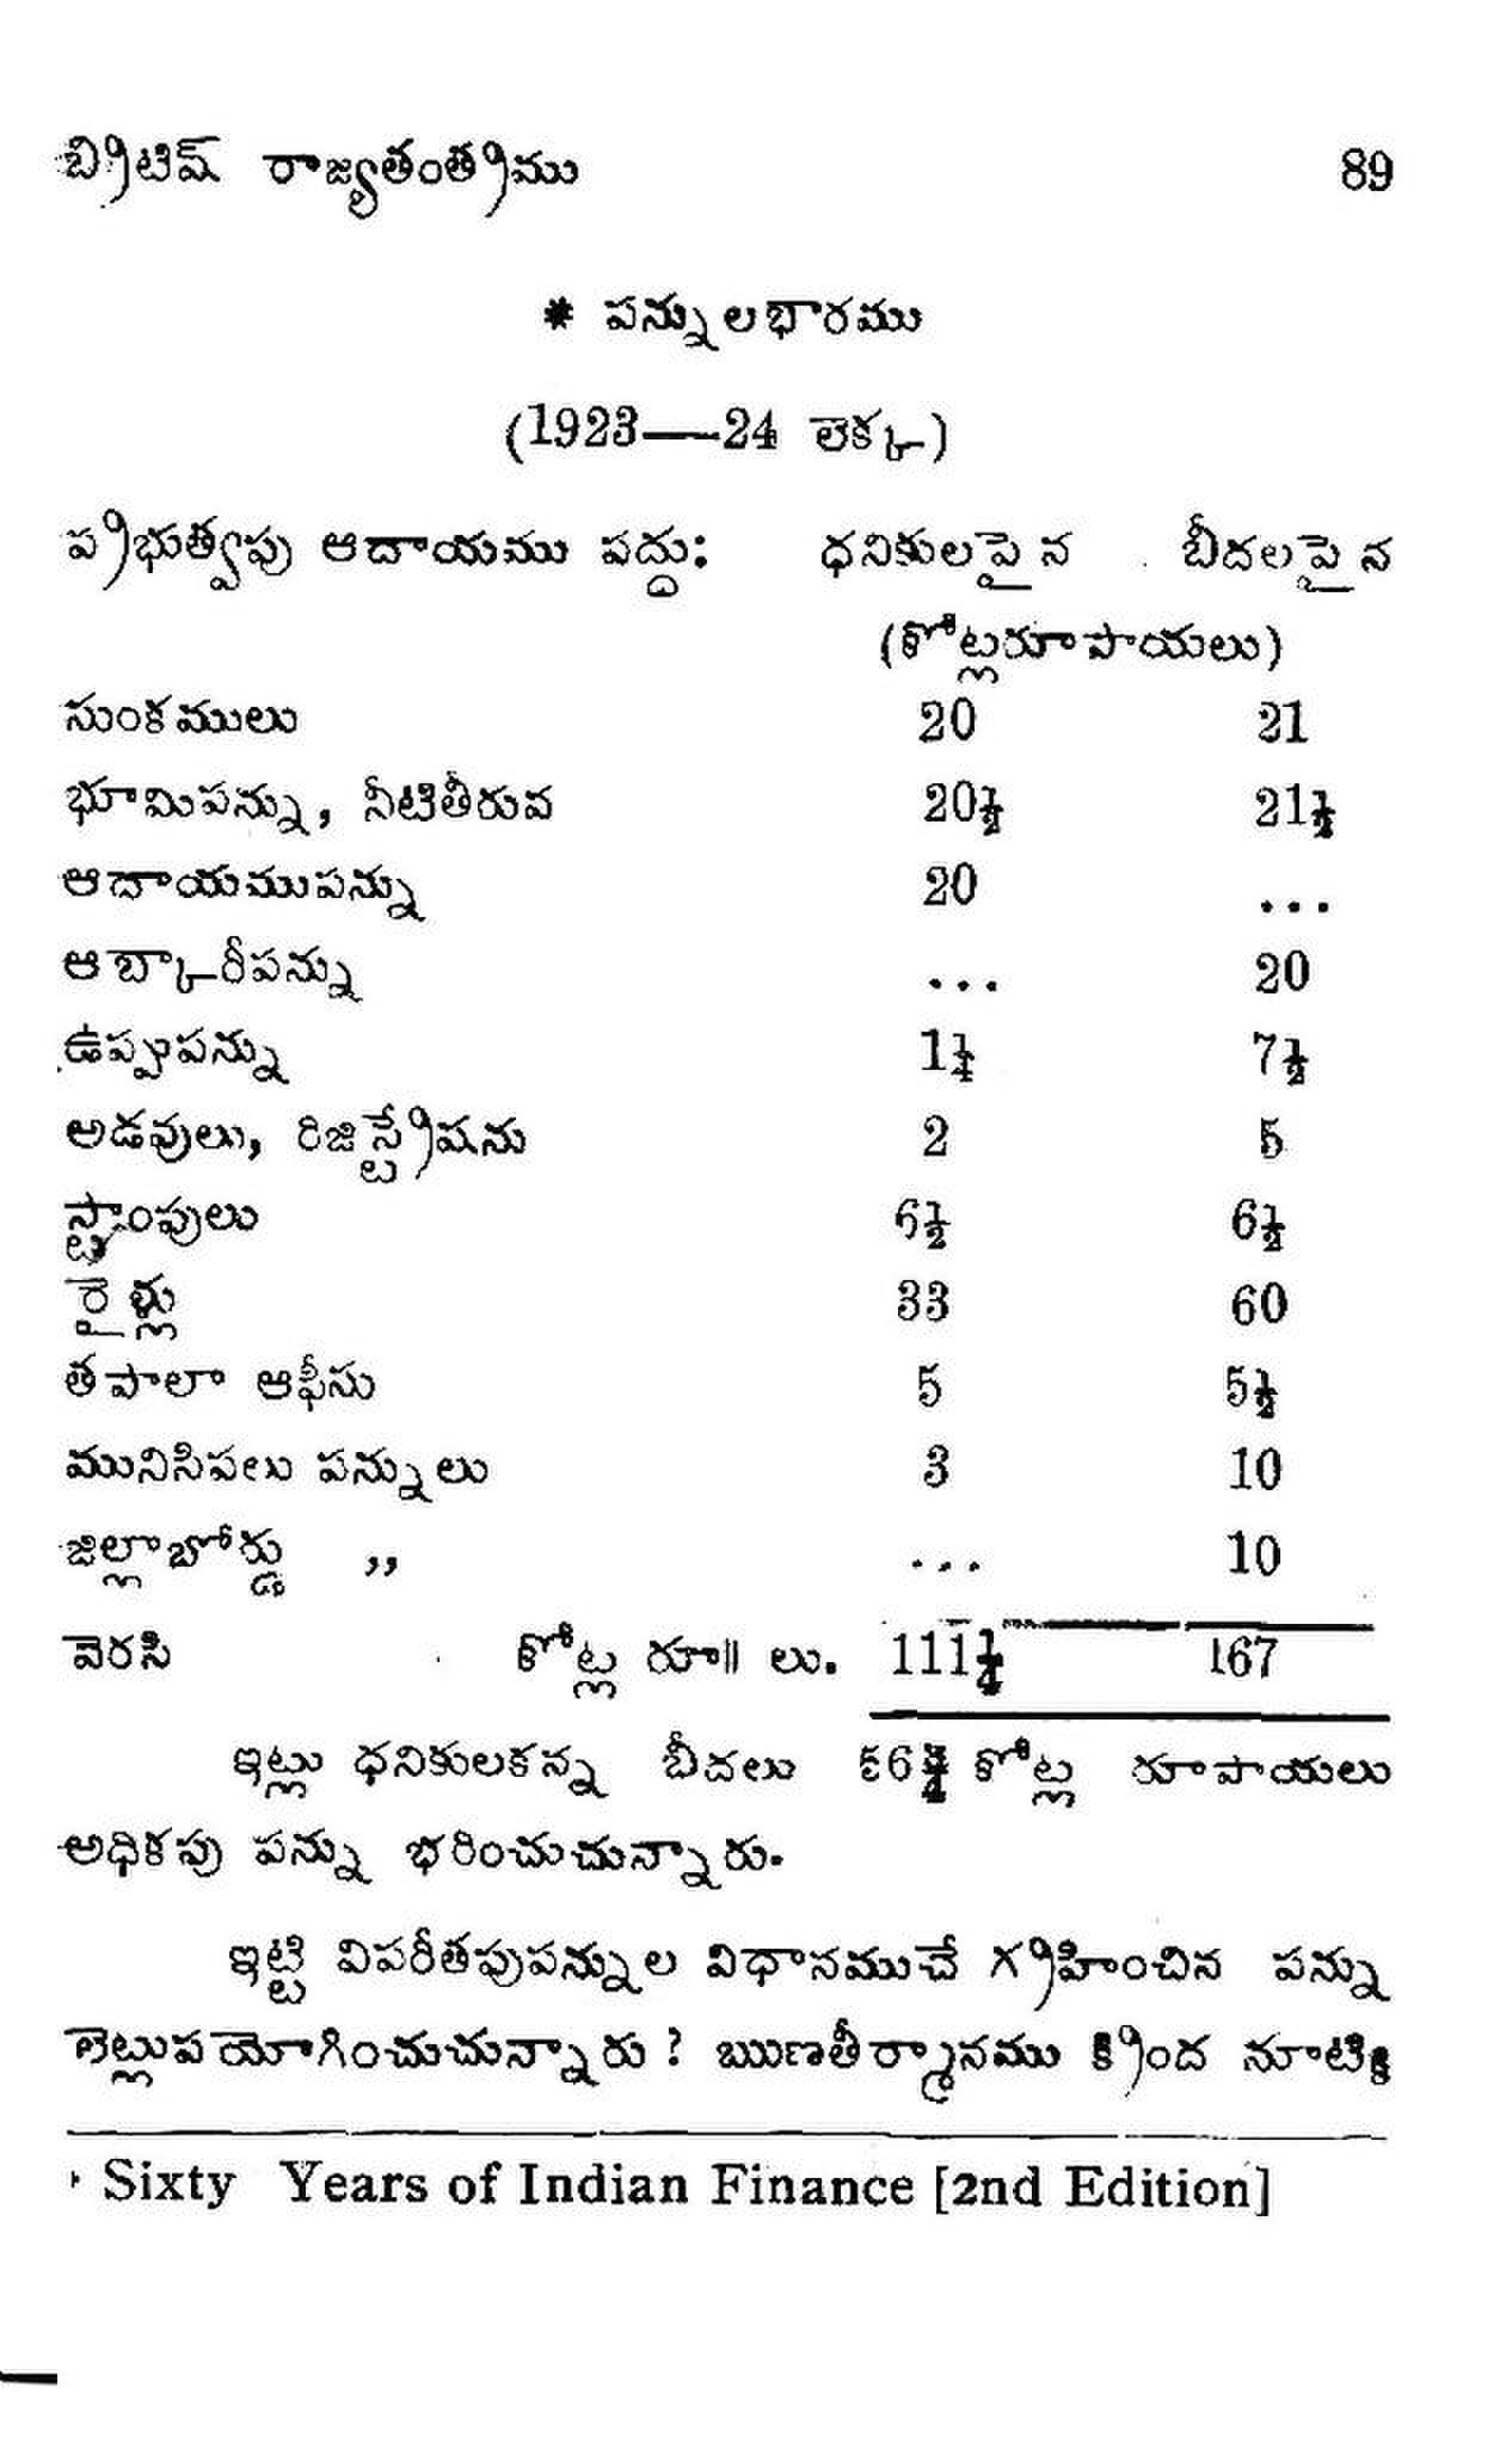పన్నులభారము
(1923 - 24 లెక్క)

 ప్రభుత్వపు ఆదాయము పద్దుః ధనికులపైన (కోట్లరూపాయలు బీదలపైన (కోట్లరూపాయలు) సుంకములు 20 21 భూమిపన్ను, నీటితీరువ 20 1/2 21 1/2 ఆదాయముపన్ను 20 - ఆబ్కారీపన్ను - 20 ఉప్పుపన్ను 1 1/4 7 1/2 అడవులు, రిజిస్ట్రేషను 2 5 స్టాంపులు 6 1/2 6 1/2 రైళ్లు 33 60 తపాలా ఆఫీసు 5 5 1/2 మునిసిపలు పన్నులు 3 10 జిల్లాబోర్డు పన్నులు - 10 వెరసి కోట్ల రూ లు 111 1/4 167
ఇట్లు ధనికులకన్న బీదలు 56 3/4 కోట్ల రూపాయలు అధికపు పన్ను భరించుచున్నారు.

ఇట్టి విపరీతపుపన్నుల విధానముచే గ్రహించిన పన్ను లెట్లుపయోగించుచున్నారు? ఋణతీర్మానము క్రింద నూటికి